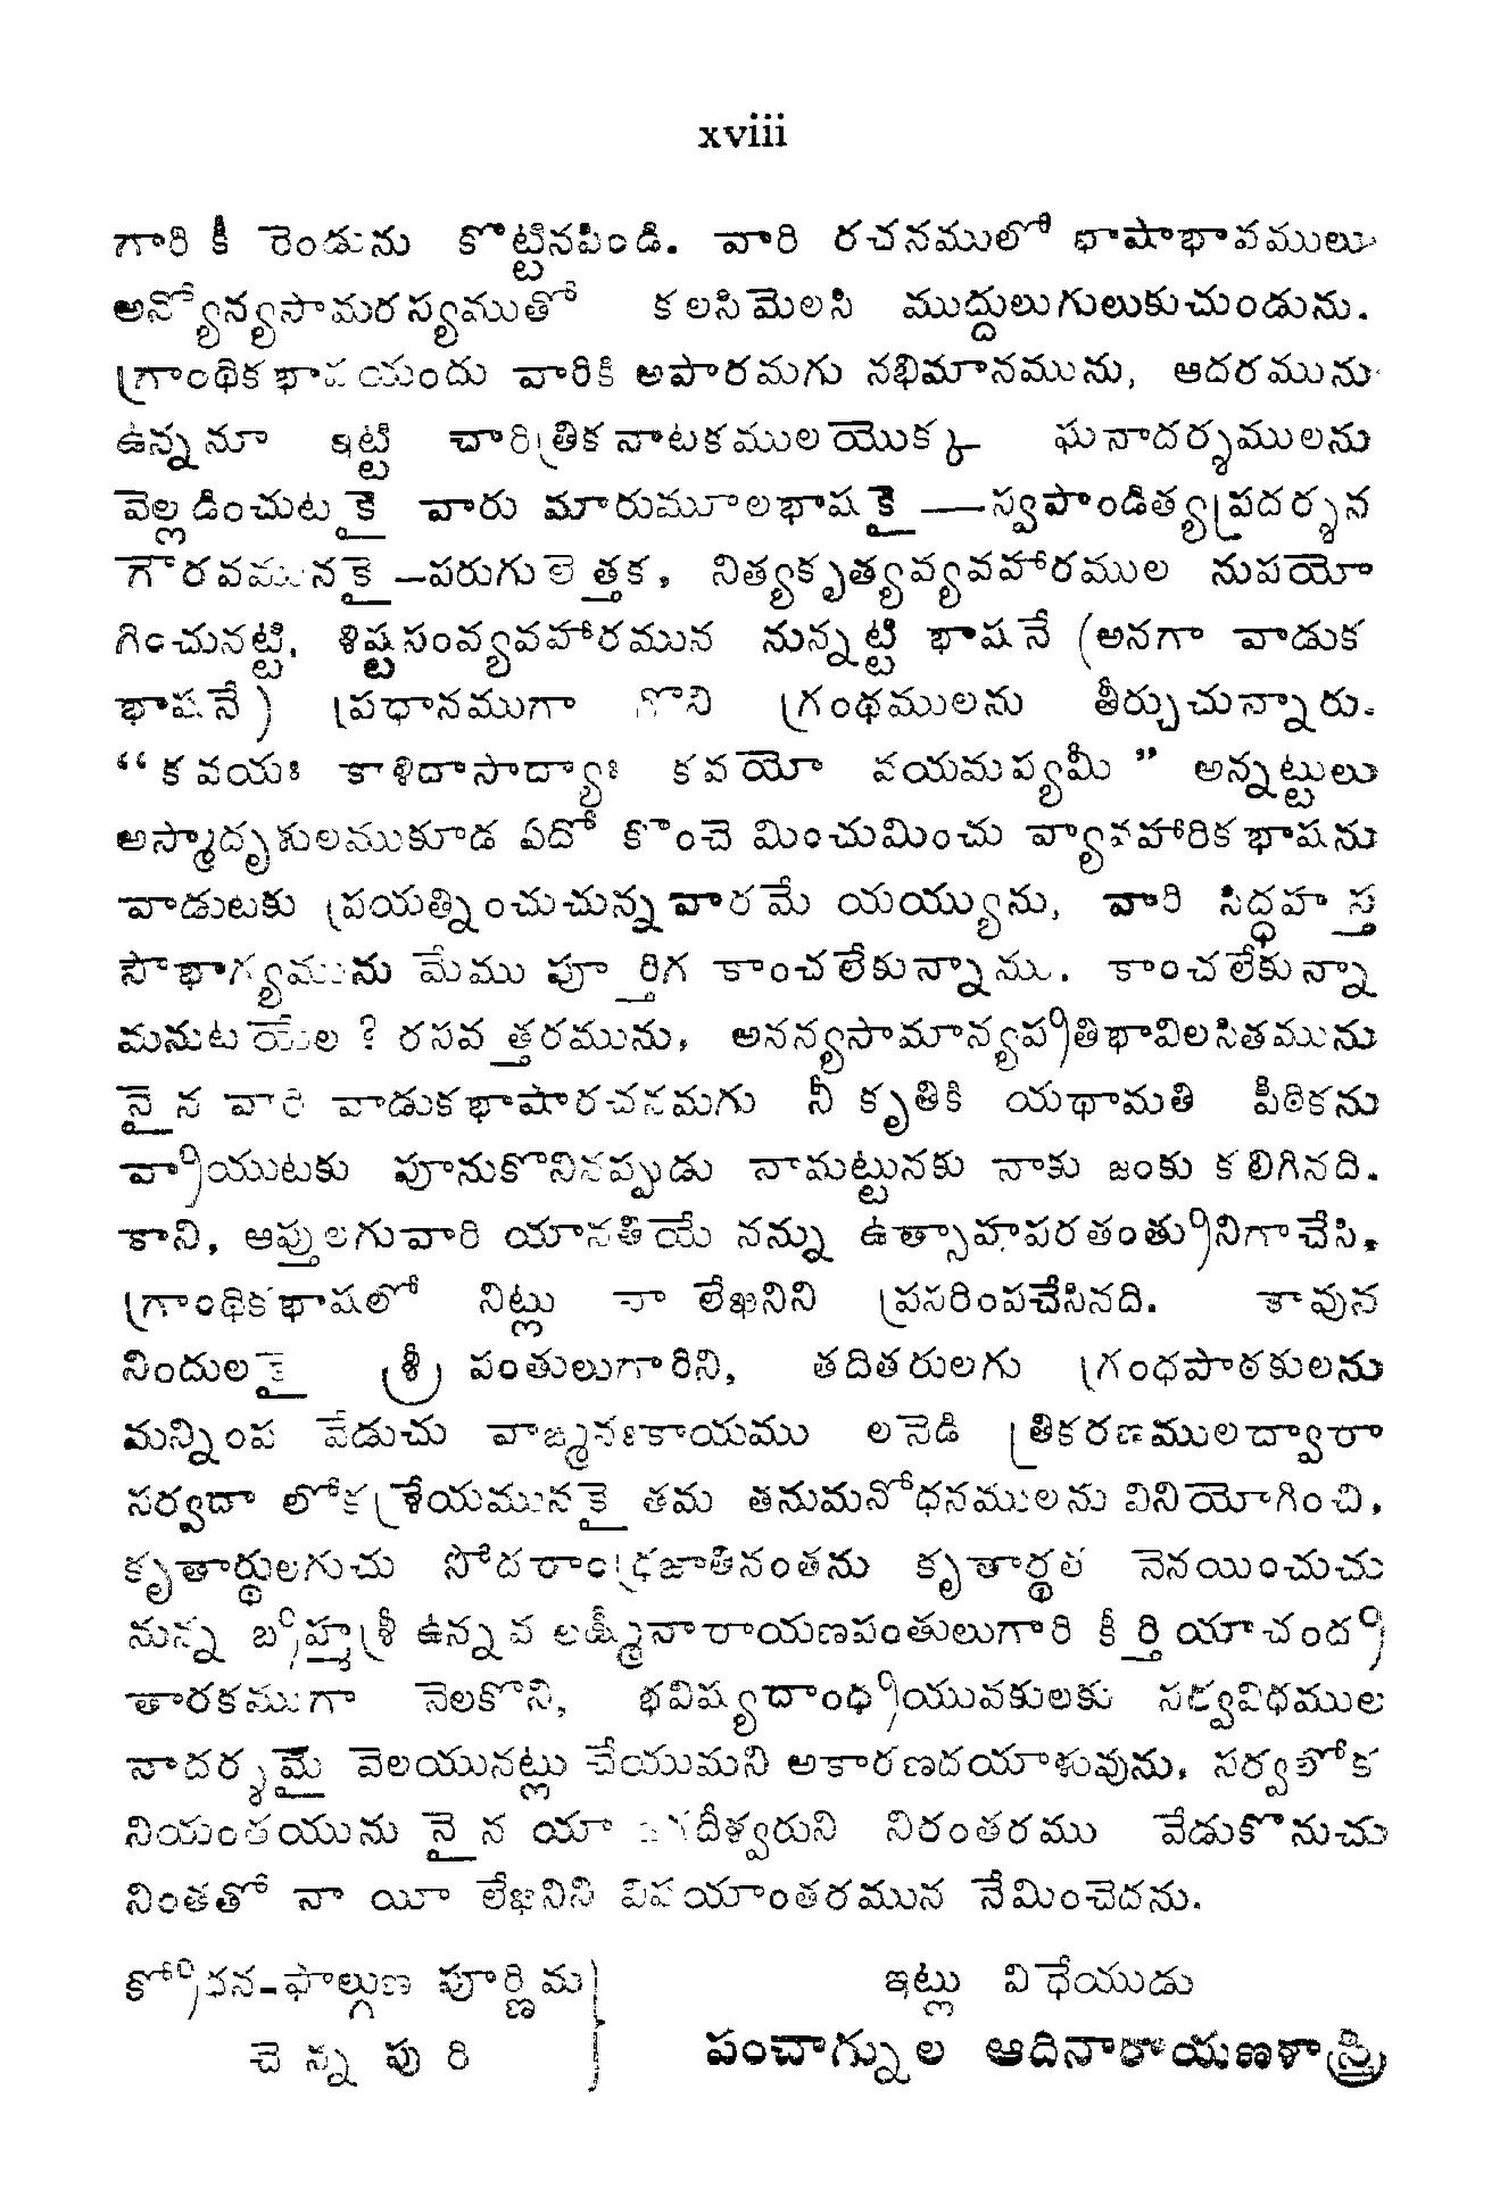గారి కీ రెండును కొట్టినపిండి. వారి రచనములో భాషాభావములు అన్యోన్యసామరస్యముతో కలసిమెలసి ముద్దులుగులుకుచుండును. గ్రాంథికభాషయందు వారికి అపారమగు నభిమానమును, ఆదరమును ఉన్ననూ ఇట్టి చారిత్రికనాటకములయొక్క ఘనాదర్శములను వెల్లడించుటకై వారు మారుమూలభాషకై – స్వపాండిత్య ప్రదర్శన గౌరవమునకై --పరుగులెత్తక , నిత్యకృత్యవ్యవహారముల నుపయోగించునట్టి, శిష్టసంవ్యవహారమున నున్నట్టి భాషనే (అనగా వాడుక భాషనే) ప్రధానముగా గొని గ్రంథములను తీర్చుచున్నారు. “కవయః కాళిదాసాద్యాః కవయో వయమప్యమీ" అన్నట్టులు
అస్మాదృశులముకూడ ఏదో కొంచె మించుమించు వ్యావహారికభాషను వాడుటకు ప్రయత్నించుచున్న వారమే యయ్యును, వారి సిద్ధహస్త సౌభాగ్యమును మేము పూర్తిగ కాంచలేకున్నాము. కాంచలేకున్నా
మనుటయేల ? రసవత్తరమును, అనన్యసామాన్యప్రతిభావిలసితమును నైన వారి వాడుకభాషా రచనమగు నీ కృతికి యథామతి పీఠికను వ్రాయుటకు పూనుకొనినప్పుడు నామట్టునకు నాకు జంకు కలిగినది. కాని, ఆప్తులగువారి యానతియే నన్ను ఉత్సాహపరతంత్రునిగాచేసి, గ్రాంథికభాషలో నిట్లు నా లేఖినిని ప్రసరింపచేసినది. కావున నిందులకై శ్రీ పంతులుగారిని, తదితరులగు గ్రంధపాఠకులను
మన్నింప వేడుచు వాఙ్మనఃకాయము లనెడి త్రికరణములద్వారా సర్వదా లోక శ్రేయమునకై తమ తనుమనోధనములను వినియోగించి, కృతార్థులగుచు సోదరాంధ్రజాతినంతను కృతార్థత నెనయించుచు నున్న బ్రాహ్మశ్రీ ఉన్నవ లక్ష్మీనారాయణపంతులుగారి కీర్తి యాచంద్రతారకముగా నెలకొని, భవిష్యదాంధ్రయువకులకు సర్వవిధముల నాదర్శమై వెలయునట్లు చేయుమని అకారణదయాళువును, సర్వలోక నియంతయును నైన యా జదీశ్వరుని నిరంతరము వేడుకొనుచు
నింతతో నా యీ లేఖినిని విషయాంతరమున నేమించెదను.

క్రోదన-ఫాల్గుణ పూర్ణిమ

చెన్నపురి